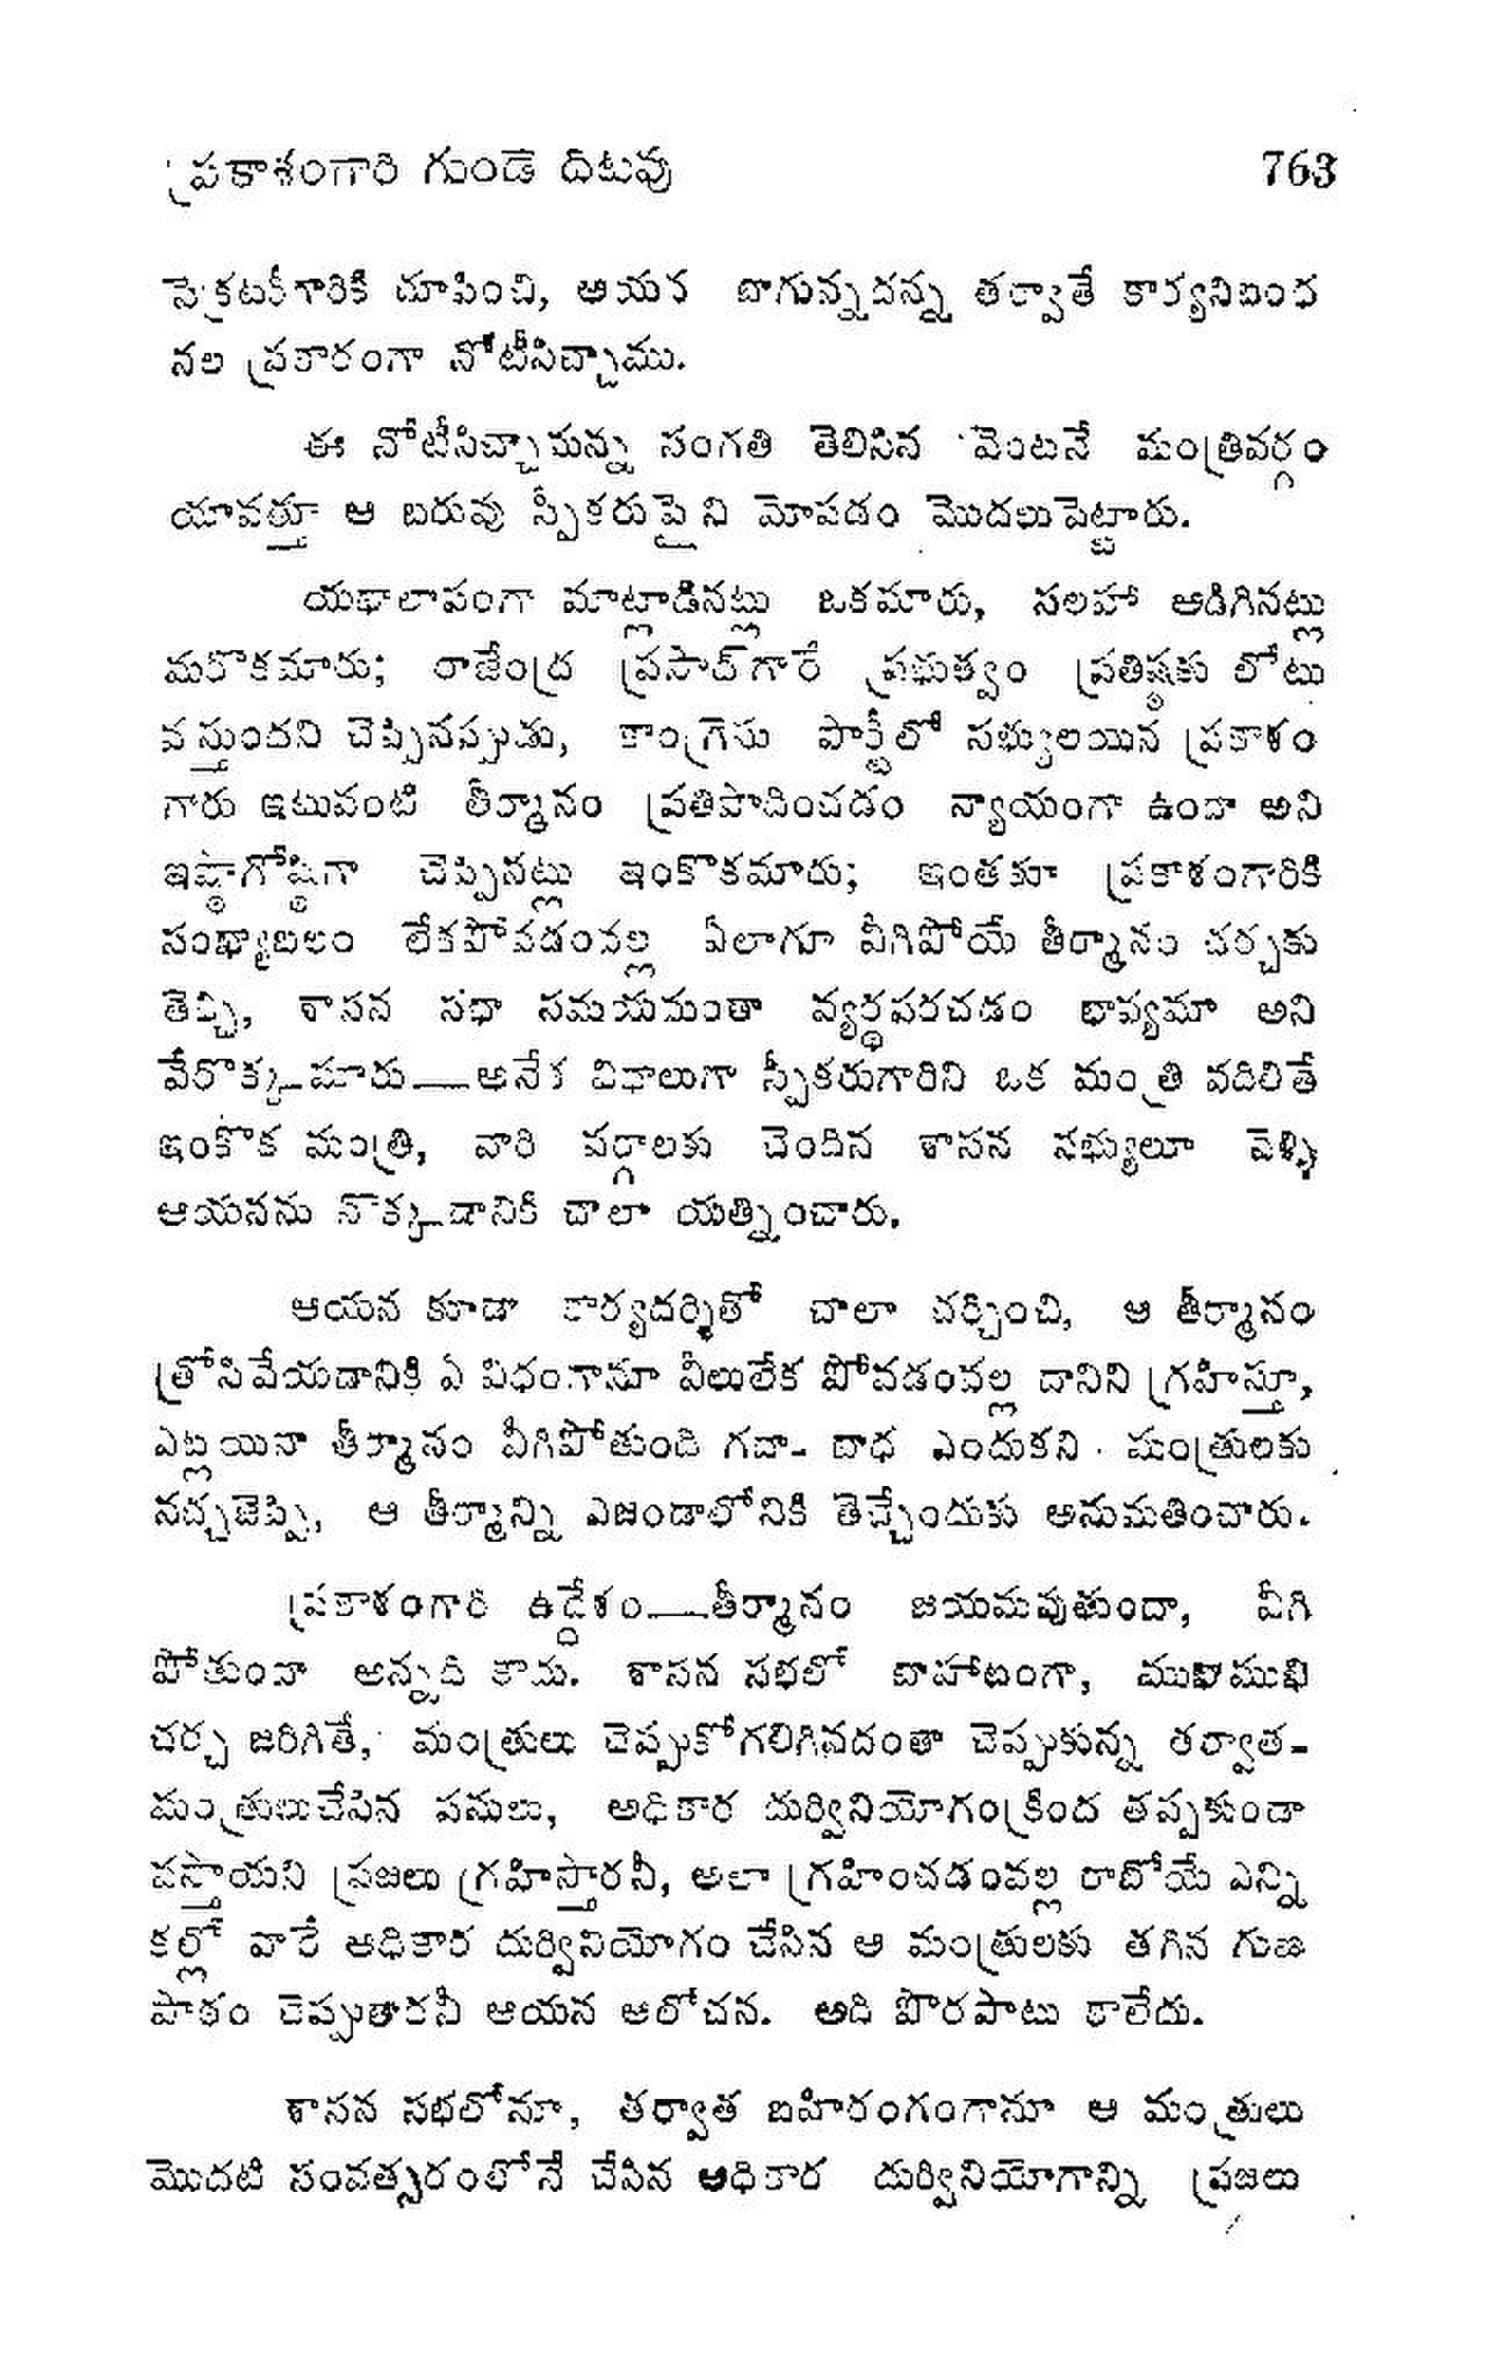సెక్రటరీగారికి చూపించి, ఆయన బాగున్నదన్న తర్వాతే కార్యనిబంధనల ప్రకారంగా నోటీసిచ్చాము.

ఈ నోటీసిచ్చామన్న సంగతి తెలిసిన వెంటనే మంత్రివర్గం యావత్తూ ఆ బరువు స్పీకరుపైని మోపడం మొదలుపెట్టారు.

యథాలాపంగా మాట్లాడినట్లు ఒకమారు, సలహా అడిగినట్లు మరొకమారు; రాజేంద్ర ప్రసాద్‌గారే ప్రభుత్వం ప్రతిష్ఠకు లోటు వస్తుందని చెప్పినప్పుడు, కాంగ్రెసు పార్టీలో సభ్యులయిన ప్రకాశంగారు ఇటువంటి తీర్మానం ప్రతిపాదించడం న్యాయంగా ఉందా అని ఇష్ఠాగోష్ఠిగా చెప్పినట్లు ఇంకొకమారు; ఇంతకూ ప్రకాశంగారికి సంఖ్యాబలం లేకపోవడంవల్ల ఏలాగూ వీగిపోయే తీర్మానం చర్చకు తెచ్చి, శాసన సభా సమయమంతా వ్యర్థపరచడం భావ్యమా అని వేరొక్కమారు - అనేక విధాలుగా స్పీకరుగారిని ఒక మంత్రి వదలితే ఇంకొక మంత్రి, వారి వర్గాలకు చెందిన శాసన సభ్యులూ వెళ్ళి ఆయనను నొక్కాడానికి చాలా యత్నించారు.

ఆయన కూడా కార్యదర్శితో చాలా చర్చించి, ఆ తీర్మానం త్రోసివేయడానికి ఏ విధంగానూ వీలులేక పోవడంవల్ల దానిని గ్రహిస్తూ, ఎట్లయినా తీర్మానం వీగిపోతుంది గదా - బాధ ఎందుకని మంత్రులకు నచ్చజెప్పి, ఆ తీర్మానాన్ని ఎజండాలోనికి తెచ్చేందుకు అనుమతించారు.

ప్రకాశంగారి ఉద్దేశం - తీర్మానం జయమవుతుందా, వీగి పోతుందా అన్నది కాదు. శాసన సభలో బాహాటంగా, ముఖాముఖి చర్చ జరిగితే, మంత్రులు చెప్పుకోగలిగినదంతా చెప్పుకున్న తర్వాత - మంత్రులుచేసిన పనులు, అధికార దుర్వినియోగం క్రింద తప్పకుండా వస్తాయని ప్రజలు గ్రహిస్తారనీ, అలా గ్రహించడంవల్ల రాబోయే ఎన్నికల్లో వారే అధికార దుర్వినియోగం చేసిన ఆ మంత్రులకు తగిన గుణపాఠం చెప్పుతారనీ ఆయన ఆలోచన. అది పొరపాటు కాలేదు.

శాసన సభలోనూ, తర్వాత బహిరంగంగానూ ఆ మంత్రులు మొదటి సంవత్సరంలోనే చేసిన అధికార దుర్వినియోగాన్ని ప్రజలు